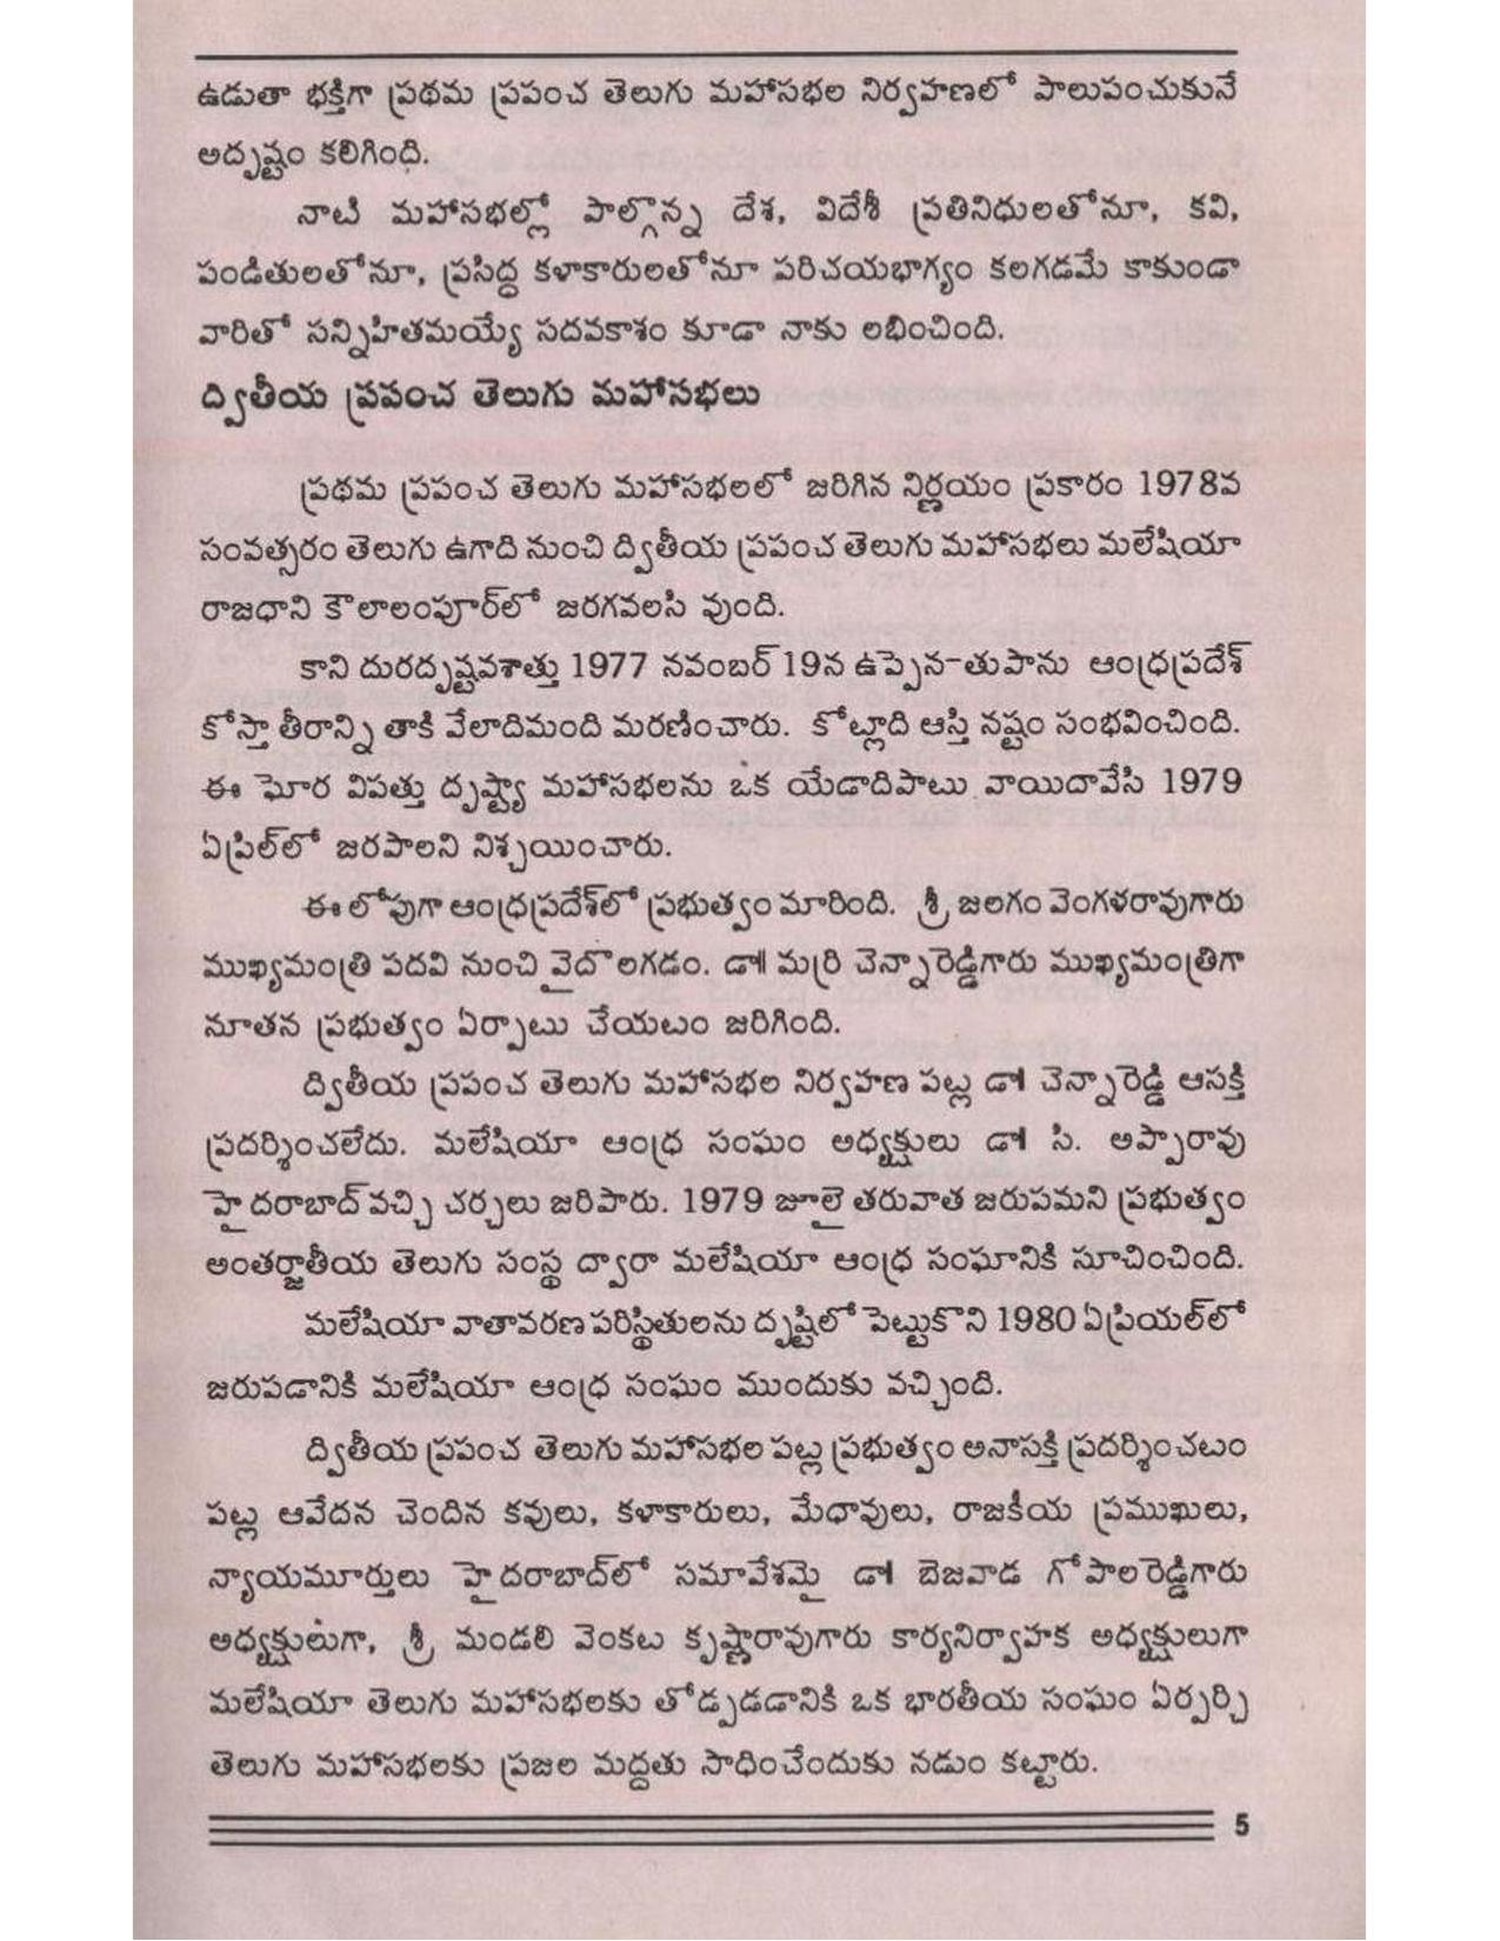ఉడుతా భక్తిగా ప్రథమ ప్రపంచ తెలుగు మహాసభల నిర్వహణలో పాలుపంచుకునే అదృష్టం కలిగింది.

నాటి మహాసభల్లో పాల్గొన్న దేశ, విదేశీ ప్రతినిధులతోనూ, కవి, పండితులతోనూ, ప్రసిద్ధ కళాకారులతోనూ పరిచయభాగ్యం కలగడమే కాకుండా వారితో సన్నిహితమయ్యే సదవకాశం కూడా నాకు లభించింది.

ప్రథమ ప్రపంచ తెలుగు మహాసభలలో జరిగిన నిర్ణయం ప్రకారం 1978వ సంవత్సరం తెలుగు ఉగాది నుంచి ద్వితీయ ప్రపంచ తెలుగు మహాసభలు మలేషియా రాజధాని కౌలాలంపూర్‌లో జరగవలసి వుంది.

కాని దురదృష్టవశాత్తు 1977 నవంబర్ 19న ఉప్పెన-తుపాను ఆంధ్రప్రదేశ్ కోస్తా తీరాన్ని తాకి వేలాదిమంది మరణించారు. కోట్లాది ఆస్తి నష్టం సంభవించింది. ఈ ఘోర విపత్తు దృష్ట్యా మహాసభలను ఒక యేడాదిపాటు వాయిదావేసి 1979 ఏప్రిల్‌లో జరపాలని నిశ్చయించారు.

ఈ లోపుగా ఆంధ్రప్రదేశ్‌లో ప్రభుత్వం మారింది. శ్రీ జలగం వెంగళరావుగారు ముఖ్యమంత్రి పదవి నుంచి వైదొలగడం. డా మర్రి చెనారెడ్డిగారు ముఖ్యమంత్రిగా నూతన ప్రభుత్వం ఏర్పాటు చేయటం జరిగింది.

ద్వితీయ ప్రపంచ తెలుగు మహాసభల నిర్వహణ పట్ల డా. చెన్నారెడ్డి ఆసక్తి ప్రదర్శించలేదు. మలేషియా ఆంధ్ర సంఘం అధ్యక్తులు డా. సి. అప్పారావు హైదరాబాద్ వచ్చి చర్చలు జరిపారు. 1979 జూలై తరువాత జరుపమని ప్రభుత్వం అంతర్జాతీయ తెలుగు సంస్థ ద్వారా మలేషియా ఆంధ్ర సంఘానికి సూచించింది.

మలేషియా వాతావరణ పరిస్థితులను దృష్టిలో పెట్టుకొని 1980 ఏప్రియల్‌లో జరుపడానికి మలేషియూ ఆంధ్ర సంఘం ముందుకు వచ్చింది.

ద్వితీయ ప్రపంచ తెలుగు మహాసభల పట్ల ప్రభుత్వం అనాసక్తి ప్రదర్శించటం పట్ల ఆవేదన చెందిన కవులు, కళాకారులు, మేధావులు, రాజకీయ ప్రముఖులు, న్యాయమూర్తులు హైదరాబాద్‌లో సమావేశమై డా‖ బెజవాడ గోపాలరెడ్డిగారు అధ్యక్షులుగా, శ్రీ మండలి వెంకట కృష్ణారావుగారు కార్యనిర్వాహక అధ్యక్షులుగా మలేషియా తెలుగు మహాసభలకు తోడ్పడడానికి ఒక భారతీయ సంఘం ఏర్పర్చి తెలుగు మహాసభలకు ప్రజల మద్దతు సాధించేందుకు నడుం కట్టారు.